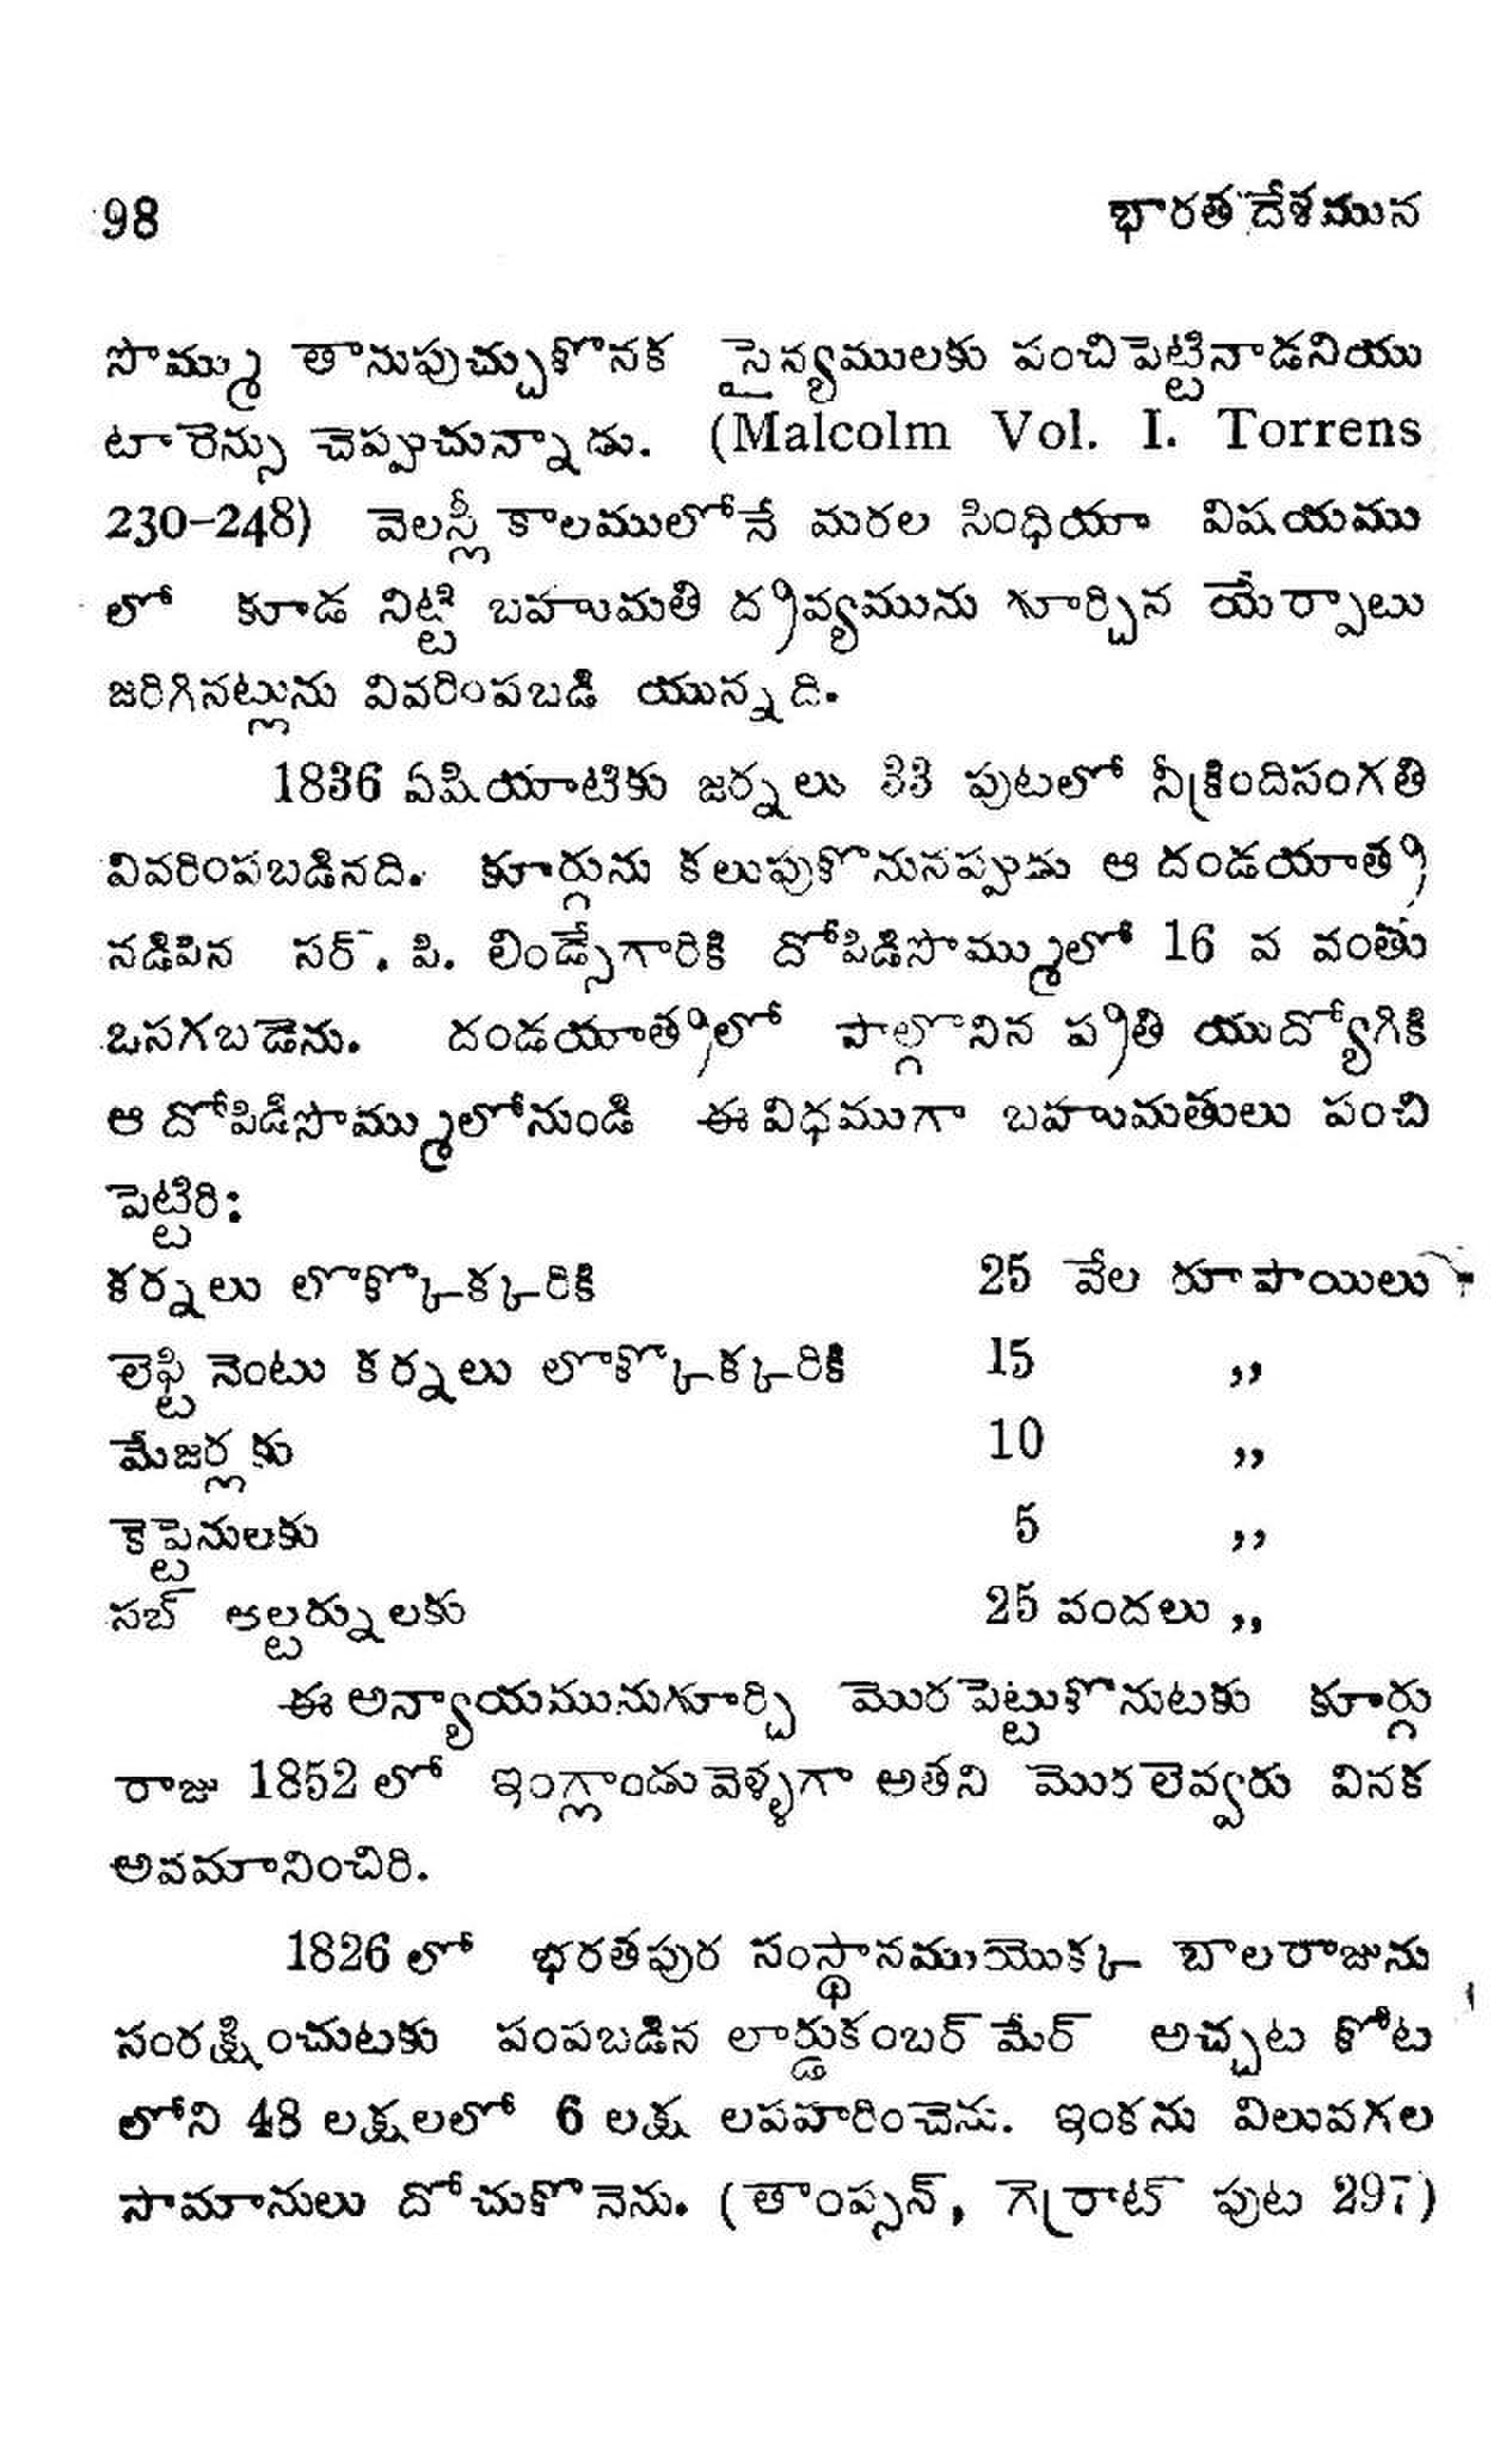సొమ్ము తానుపుచ్చుకొనక సైన్యములకు పంచిపెట్టినాడనియు టారెన్సు చెప్పుచున్నాడు. (Malcolm Vol. I. Torrens 230-248) వెలస్లీ కాలములోనే మరల సింధియా విషయములో కూడ నిట్టి బహుమతి ద్రవ్యమును గూర్చిన యేర్పాటు జరిగినట్లును వివరింపబడి యున్నది.

1836 ఏషియాటికు జర్నలు 33 పుటలో నీక్రిందిసంగతి వివరింపబడినది. కూర్గును కలుపుకొనునప్పుడు ఆ దండయాత్ర నడిపిన సర్. పి. లిండ్సేగారికి దోపిడిసొమ్ములో 16 వ వంతు ఒసగబడెను. దండయాత్రలో పాల్గొనిన ప్రతి యుద్యోగికి ఆ దోపిడిసొమ్ములోనుండి ఈ విధముగా బహుమతులు పంచిపెట్టిరి: 

కర్నలు లొక్కొక్కరికి - 25 వేల రూపాయిలు 

లెఫ్టి నెంటు కర్నలు లొక్కొక్కరికి - 15 వేల రూపాయలు 

మేజర్లకు 10 - వేల రూపాయలు 

కెప్టెనులకు - 5 వేల రూపాయలు

సబ్ ఆల్టర్నులకు - 25 వందలు రూపాయలు 

ఈ అన్యాయమునుగూర్చి మొరపెట్టుకొనుటకు కూర్గు రాజు 1852 లో ఇంగ్లాండువెళ్ళగా అతని మొరలెవ్వరు వినక అవమానించిరి.

1826 లో భరతపుర సంస్థానముయొక్క బాలరాజును సంరక్షించుటకు పంపబడిన లార్డుకంబర్ మేర్ అచ్చట కోటలోని 48 లక్షలలో 6 లక్ష లపహరించెను. ఇంకను విలువగల సామానులు దోచుకొనెను. (తాంప్సన్, గెర్రాట్ పుట 297)